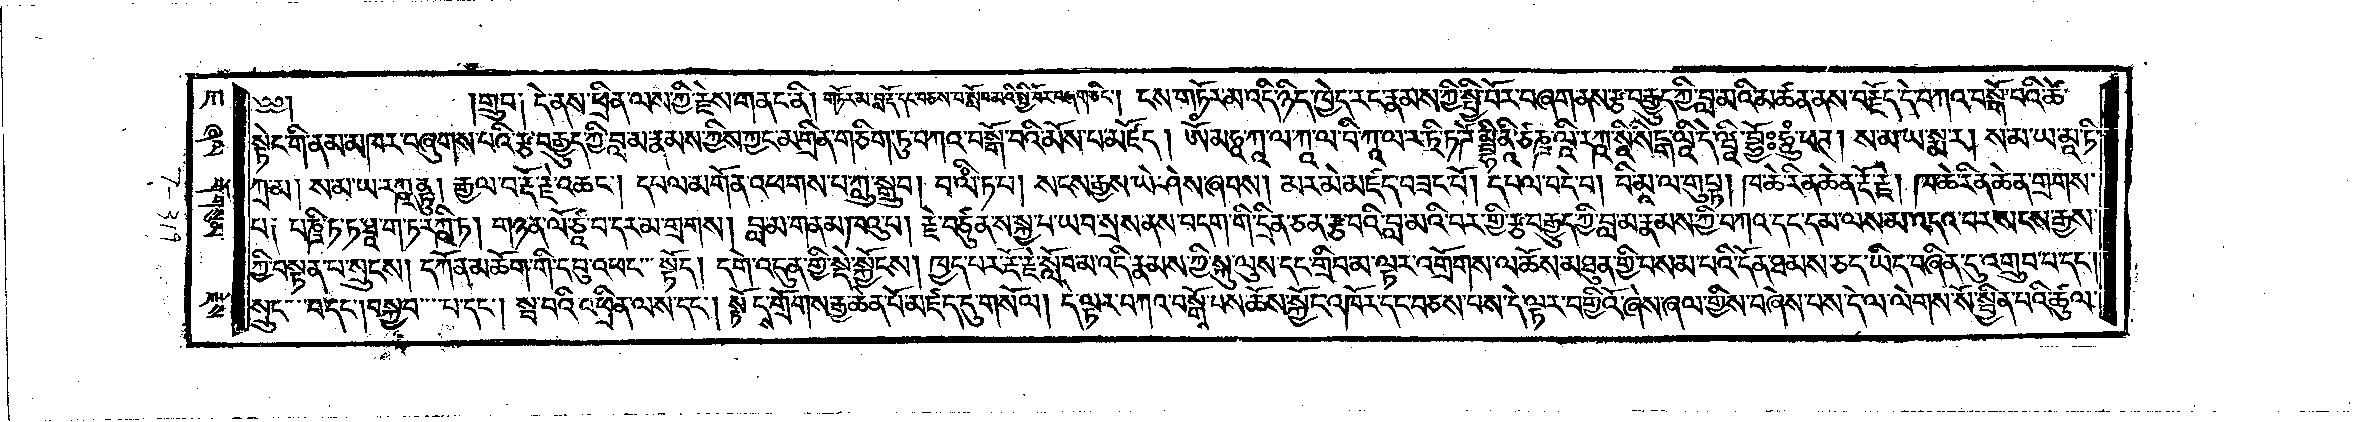༄༅། །གྲུབ༑ དེ་ནས་ཕྲིན་ལས་ཀྱི་རྗེས་གནང་ནི། གཏོར་མ་བླ་རྡོ་དང་བཅས་བ་སློབ་མའི་སྤྱི་བོར་བཞག་ཅིང་། ངས་གཏོར་མ་འདི་ཉིད་ཁྱེད་རང་རྣམས་ཀྱི་སྤྱི་བོར་བཞག་ནས་རྩ་བརྒྱུད་ཀྱི་བླ་མའི་མཚན་ནས་བརྗོད་དེ་བཀའ་བསྒོ་བའི་ཚེ་
སྟེང་གི་ནམ་མཁར་བཞུགས་པའི་རྩ་བརྒྱུད་ཀྱི་བླ་མ་རྣམས་ཀྱིས་ཀྱང་མགྲིན་གཅིག་ཏུ་བཀའ་བསྒོ་བའི་མོས་པ་མཛོད། ཨོཾ་མཧཱ་ཀཱ་ལ་ཀཱ་ལ་བི་ཀཱ་ལ་ར་ཏྲི་ཏ་ཌོམྦྷི་ནཱི་ཙཎྜ་ལཱི་རཀྵ་སཱི་སིངྒ་ལཱི་དེ་ཝཱི་བྷྱོཿཧཱུཾ་ཕཊ། ས་མ་ཡ་སྨར། ས་མ་ཡ་མཱ་ཏི་
ཀྲམ། སམ་ཡ་རཀྵནྟུ། རྒྱལ་བ་རྡོ་རྗེ་འཆང་། དཔལ་མགོན་འཕགས་པ་ཀླུ་སྒྲུབ། པ་ལིཾ་ཏ་པ། སངས་རྒྱས་ཡེ་ཤེས་ཞབས། མར་མེ་མཛད་བཟང་པོ། དཔལ་བདེ་བ། པི་མཱ་ལ་གུཔྟ། ཁ་ཆེ་རིན་ཆེན་རྡོ་རྗེ། ཁ་ཆེ་རིན་ཆེན་གྲགས་
པ༑ པཎྜི་ཏ་ཏ་ཐཱ་ག་ཏ་རཀྵི་ཏ། གཉན་ལོཙཱ་བ་དར་མ་གྲགས། བླ་མ་གནམ་ཁའུ་པ། རྗེ་བཙུན་ས་སྐྱ་པ་ཡབ་སྲས་ནས་བདག་གི་དྲིན་ཅན་རྩ་བའི་བླ་མའི་བར་གྱི་རྩ་བརྒྱུད་ཀྱི་བླ་མ་རྣམས་ཀྱི་བཀའ་དང་དམ་ལས་མ་འདའ་བར་སངས་རྒྱས་
ཀྱི་བསྟན་པ་སྲུངས། དཀོན་མཆོག་གི་དབུ་འཕང་སྟོད། དགེ་འདུན་གྱི་སྡེ་སྐྱོངས། ཁྱད་པར་རྡོ་རྗེ་སློབ་མ་འདི་རྣམས་ཀྱི་སྐུ་ལུས་དང་གྲིབ་མ་ལྟར་འགྲོགས་ལ་ཆོས་མཐུན་གྱི་བསམ་པའི་དོན་ཐམས་ཅད་ཡིད་བཞིན་དུ་འགྲུབ་པ་དང་
སྲུང་བ་དང་། བསྐྱབ་པ་དང་། སྦ་བའི་འཕྲིན་ལས་དང་། སྟོངས་གྲོགས་རྒྱ་ཆེན་པོ་མཛད་དུ་གསོལ། དེ་ལྟར་བཀའ་བསྒོས་པས་ཆོས་སྐྱོང་འཁོར་དང་བཅས་པས་དེ་ལྟར་བགྱིའོ་ཞེས་ཞལ་གྱིས་བཞེས་པས་དེ་ལ་ལེགས་སོ་སྦྱིན་པའི་ཚུལ་